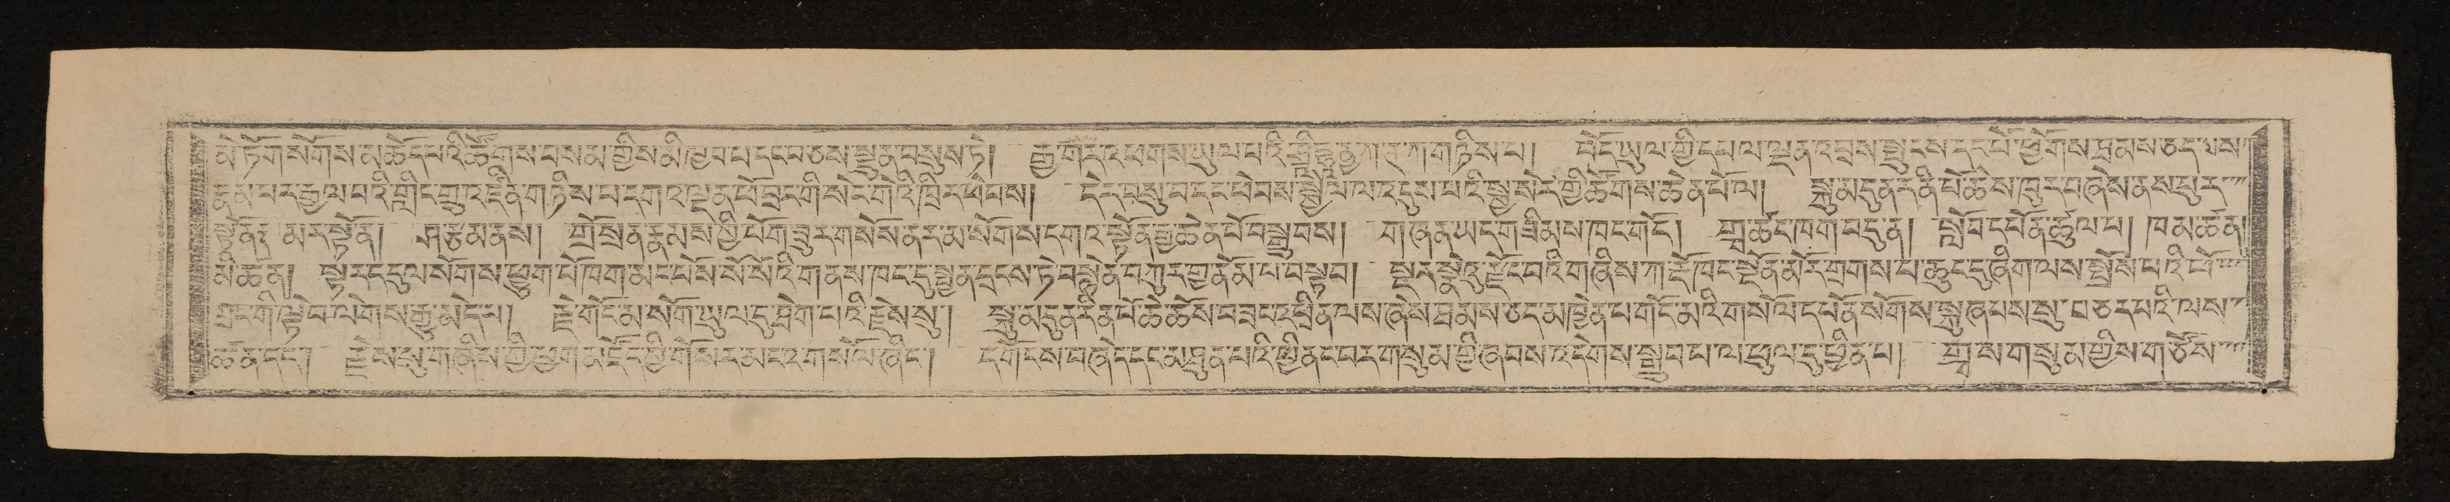མེ་ཏོག་སོགས་མཆོད་པའི་ཚོགས་བསམ་གྱིས་མི་ཁྱབ་པ་དང་བཅས་སྡུན་བསུས་ཏེ། རྒྱ་གར་འཕགས་ཡུལ་པའི་ཤྲཱི་དྷཱ་ནྱ་ཀོ་ཊ་ཀ་གཉིས་པ། བོད་ཡུལ་གྱི་དཔལ་ལྡན་འབྲས་སྤུངས་དང་པོ་ཕྱོགས་ཐམས་ཅད་ལས་
རྣམ་པར་རྒྱལ་བའི་གླིང་གྲུ་འཛིན་གཉིས་པ་དགའ་ལྡན་ཕོ་བྲང་གི་སེང་གེའི་ཁྲིར་ཕེབས། དེར་བསུ་བ་དང་ཕེབས་སྐྱེལ་ལ་འདུས་པའི་སྐྱ་སེར་གྱི་ཚོགས་ཆེན་པོ་ལ། སྐུ་མདུན་རིན་པོ་ཆེས་ཁུར་བཞེས་ནས་བུར་
སྟོན༑ མར་སྟོན། ཤ་རྩམ་ནས། གྲོ་སྲན་རྣམས་ཀྱི་ཕོག་ཟུར་གསོས་ནར་མ་སོགས་དགའ་སྟོན་རྒྱ་ཆེན་པོ་བསྒྲུབས། གཞན་ཡང་གཟིམས་ཁང་གོང་། གྲྭ་ཚང་ཁག་བདུན། སློབ་དཔོན་ཚུལ་པ། ཁམ་ཚན།
མི་ཚན། སྟར་དངུལ་སོགས་ཕྱུག་པོ་ཁག་མང་པོས་སོ་སོའི་གནས་ཁང་དུ་སྤྱན་དྲངས་ཏེ་བསྙེན་བཀུར་གྱ་ནོམ་པ་བསྟབ། སྔར་སྣེའུ་རྫོང་བའི་གཞིས་ཀ་རྡོ་ཁང་སྔོན་མོར་གྲགས་པ་ཆུང་ངུ་ཞིག་ལས་སྤྲོས་པའི་ཕོ་
བྲང་གི་ལྟེ་བ་ལེགས་རྒྱུ་མེད་པ། རྗེ་གོང་མ་སོག་ཡུལ་དུ་ཐེག་པའི་རྗེས་སུ། སྐུ་མདུན་རིན་པོ་ཆེ་ཆོས་བཟང་འཕྲིན་ལས་ཞེས་ཐམས་ཅད་མཁྱེན་པ་གོང་མའི་གསོལ་དཔོན་སོགས་སྐུ་ཞབས་སུ་བཅར་བའི་ལས་
ཚན་དང་། རྗེས་སུ་གཞིས་ཀྱི་ཕྱག་མཛོད་ཀྱི་གོ་སར་མངའ་གསོལ་ཞིང་། དགོངས་བཞེད་དང་མཐུན་པའི་ཕྱི་ནང་བར་གསུམ་གྱི་ཞབས་འདེགས་སྒྲུབ་པ་ལ་ཕུལ་དུ་ཕྱིན་པ། གྲྭ་ས་གསུམ་གྱིས་གཙོས་